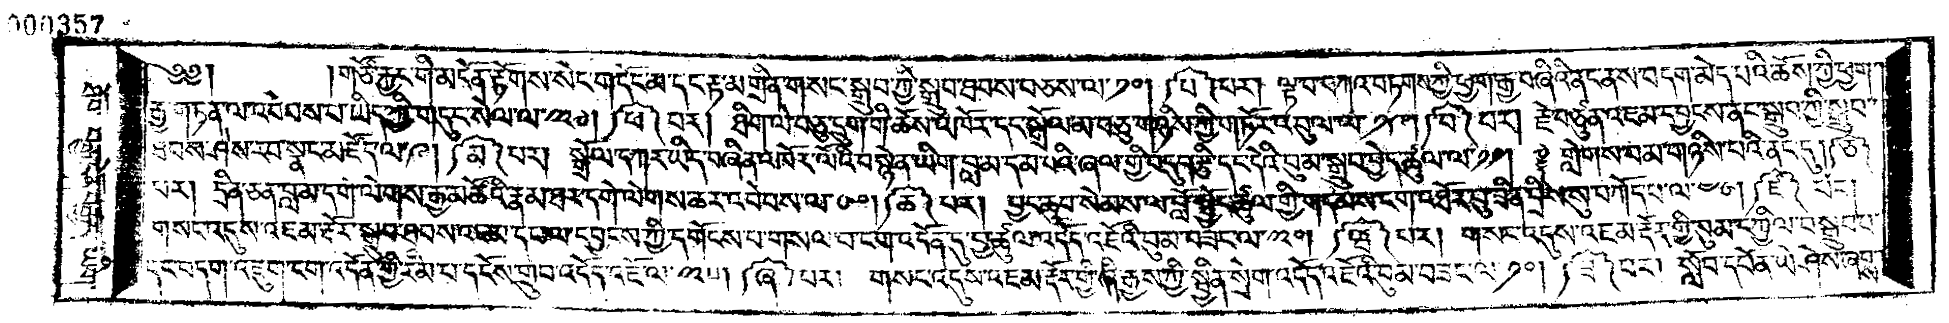༄༅། །གཙོ་རྐྱང་གི་མངོན་རྟོགས་སེང་གདོང་མ་དང་རྟ་མགྲིན་གསང་སྒྲུབ་ཀྱི་སྒྲུབ་ཐབས་བཅས་ལ ༡༠། ༼པ༽ པར། ལྟ་བ་བཀའ་བཏགས་ཀྱི་ཕྱག་རྒྱ་བཞིའི་ནང་ནས་བདག་མེད་པའི་ཆོས་ཀྱི་ཕྱག་
རྒྱ་གཏན་ལ་འབེབས་པ་ཡིད་ཀྱི་གདུང་སེལ་ལ ༣༧། ༼ཕ༽ པར། ཐིག་ལེ་བཅུ་དྲུག་གི་ཆོས་འཁོར་དང་སྒྲོལ་མ་བཅུ་གཉིས་ཀྱི་གཏོར་འབུལ་ལ ༡༩། ༼བ༽ པར། རྗེ་བཙུན་འཇམ་དབྱངས་ནང་སྒྲུབ་ཀྱི་སྒྲུབ་
ཐབས་ཤེས་རབ་སྣང་མཛོད་ལ ༩། ༼མ༽ པར། སྒྲོལ་དཀར་ཡིད་བཞིན་འཁོར་ལོའི་བསྙེན་ཡིག་བླ་མ་དམ་པའི་ཞལ་གྱི་བདུད་རྩི་དང་དེའི་བུམ་སྒྲུབ་བྱེད་ཚུལ་ལ ༡༡། ༈ གླེགས་བམ་གཉིས་པའི་ནང་དུ། ༼ཅ༽
པར། དྲིན་ཅན་བླ་མ་དགེ་ལེགས་རྒྱ་མཚོའི་རྣམ་ཐར་དགེ་ལེགས་ཆར་འབེབས་ལ ༦༠། ༼ཆ༽ པར། བྱང་ཆུབ་སེམས་ལ་བློ་སྦྱོང་ཚུལ་གྱི་གདམས་ངག་འཐོར་བུ་ཟིན་བྲིས་སུ་བཀོད་པ་ལ ༤༦། ༼ཛ༽ པར།
གསང་འདུས་འཇམ་རྡོར་སྒྲུབ་ཐབས་འཇམ་དཔལ་དབྱངས་ཀྱི་དགོངས་པ་གསལ་བ་ངག་འདོན་དུ་བྱ་ཚུལ་འཇོའི་བུམ་བཟང་ལ ༣༠། ༼ཝ༽ པར། གསང་འདུས་འཇམ་རྡོར་གྱི་བུམ་དཀྱིལ་བསྒྲུབ་པ་
དང་བདག་འཇུག་ངག་འདོན་གྱི་རིམ་པ་དངོས་གྲུབ་འདོད་འཇོ་ལ ༣༥། ༼ཞ༽ པར། གསང་འདུས་འཇམ་རྡོར་གྱི་ཞི་རྒྱས་ཀྱི་སྦྱིན་སྲེག་འདོད་འཇོའི་བུམ་བཟང་ལ ༡༠། ༼ཟ༽ བར། སློབ་དཔོན་ཡེ་ཤེས་ཞབས་